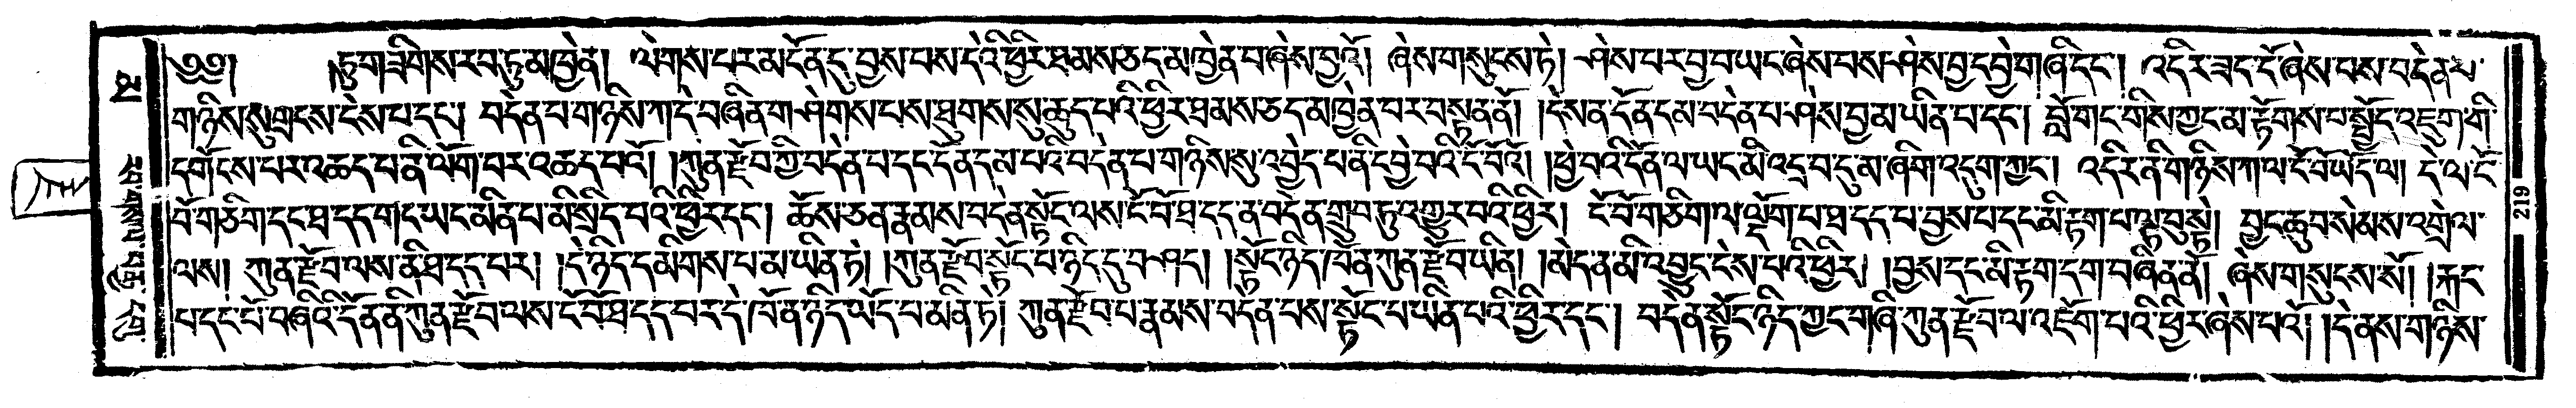༄༅། །ཏུ་གཟིགས་རབ་ཏུ་མཁྱེན། ལེགས་པར་མངོན་དུ་བྱས་པས་དེའི་ཕྱིར་ཐམས་ཅད་མཁྱེན་པ་ཞེས་བྱའོ། ཞེས་གསུངས་ཏེ། ཤེས་པར་བྱ་བ་ཡང་ཞེས་པས་ཤེས་བྱ་དབྱེ་གཞི་དང་། འདིར་ཟད་དོ་ཞེས་པས་བདེན་
གཉིས་སུ་གྲངས་ངེས་པ་དང་། བདེན་པ་གཉིས་ཀ་དེ་བཞིན་གཤེགས་པས་ཐུགས་སུ་ཆུད་པའི་ཕྱིར་ཐམས་ཅད་མཁྱེན་པར་བསྟན་ཏོ། །དེས་ན་དོན་དམ་བདེན་པ་ཤེས་བྱ་མ་ཡིན་པ་དང་། བློ་གང་གིས་ཀྱང་མ་རྟོགས་པ་སྤྱོད་འཇུག་གི་
དགོངས་པར་འཆད་པ་ནི་ལོག་པར་འཆད་པའོ། །ཀུན་རྫོབ་ཀྱི་བདེན་པ་དང་དོན་དམ་པའི་བདེན་པ་གཉིས་སུ་འབྱེད་པ་ནི་དབྱེ་པའི་ངོ་བོའོ། །ཕྱེ་བའི་དོན་ལ་ཡང་མི་འདྲ་བ་དུ་མ་ཞིག་འདུག་ཀྱང་། འདིར་ནི་གཉིས་ཀ་ལ་ངོ་བོ་ཡོད་ལ། དེ་ལ་ངོ་
བོ་གཅིག་དང་ཐ་དད་གང་ཡང་མིན་པ་མི་སྲིད་པའི་ཕྱིར་དང་། ཆོས་ཅན་རྣམས་བདེན་སྟོང་ལས་ངོ་བོ་ཐ་དད་ན་བདེན་གྲུབ་ཏུ་འགྱུར་པའི་ཕྱིར། ངོ་བོ་གཅིག་ལ་ལྡོག་པ་ཐ་དད་པ་བྱས་པ་དང་མི་རྟག་པ་ལྟ་བུ་སྟེ། བྱང་ཆུབ་སེམས་འགྲེལ་
ལས། ཀུན་རྫོབ་ལས་ནི་ཐ་དད་པར། །དེ་ཉིད་དམིགས་པ་མ་ཡིན་ཏེ། །ཀུན་རྫོབ་སྟོང་པ་ཉིད་དུ་བཤད། །སྟོང་ཉིད་ཁོ་ན་ཀུན་རྫོབ་ཡིན། མེད་ན་མི་འབྱུང་ངེས་པའི་ཕྱིར། །བྱས་དང་མི་རྟག་དག་བཞིན་ནོ། ཞེས་གསུངས་སོ། །རྐང་
པ་དང་པོ་བཞིའི་དོན་ནི་ཀུན་རྫོབ་ལས་ངོ་བོ་ཐ་དད་པར་དེ་ཁོ་ན་ཉིད་ཡོད་པ་མིན་ཏེ། ཀུན་རྫོབ་པ་རྣམས་བདེན་པས་སྟོང་པ་ཡིན་པའི་ཕྱིར་དང་། བདེན་སྟོང་ཉིད་ཀྱང་གཞི་ཀུན་རྫོབ་ལ་འཇོག་པའི་ཕྱིར་ཞེས་པའོ། །དེ་ནས་གཉིས་